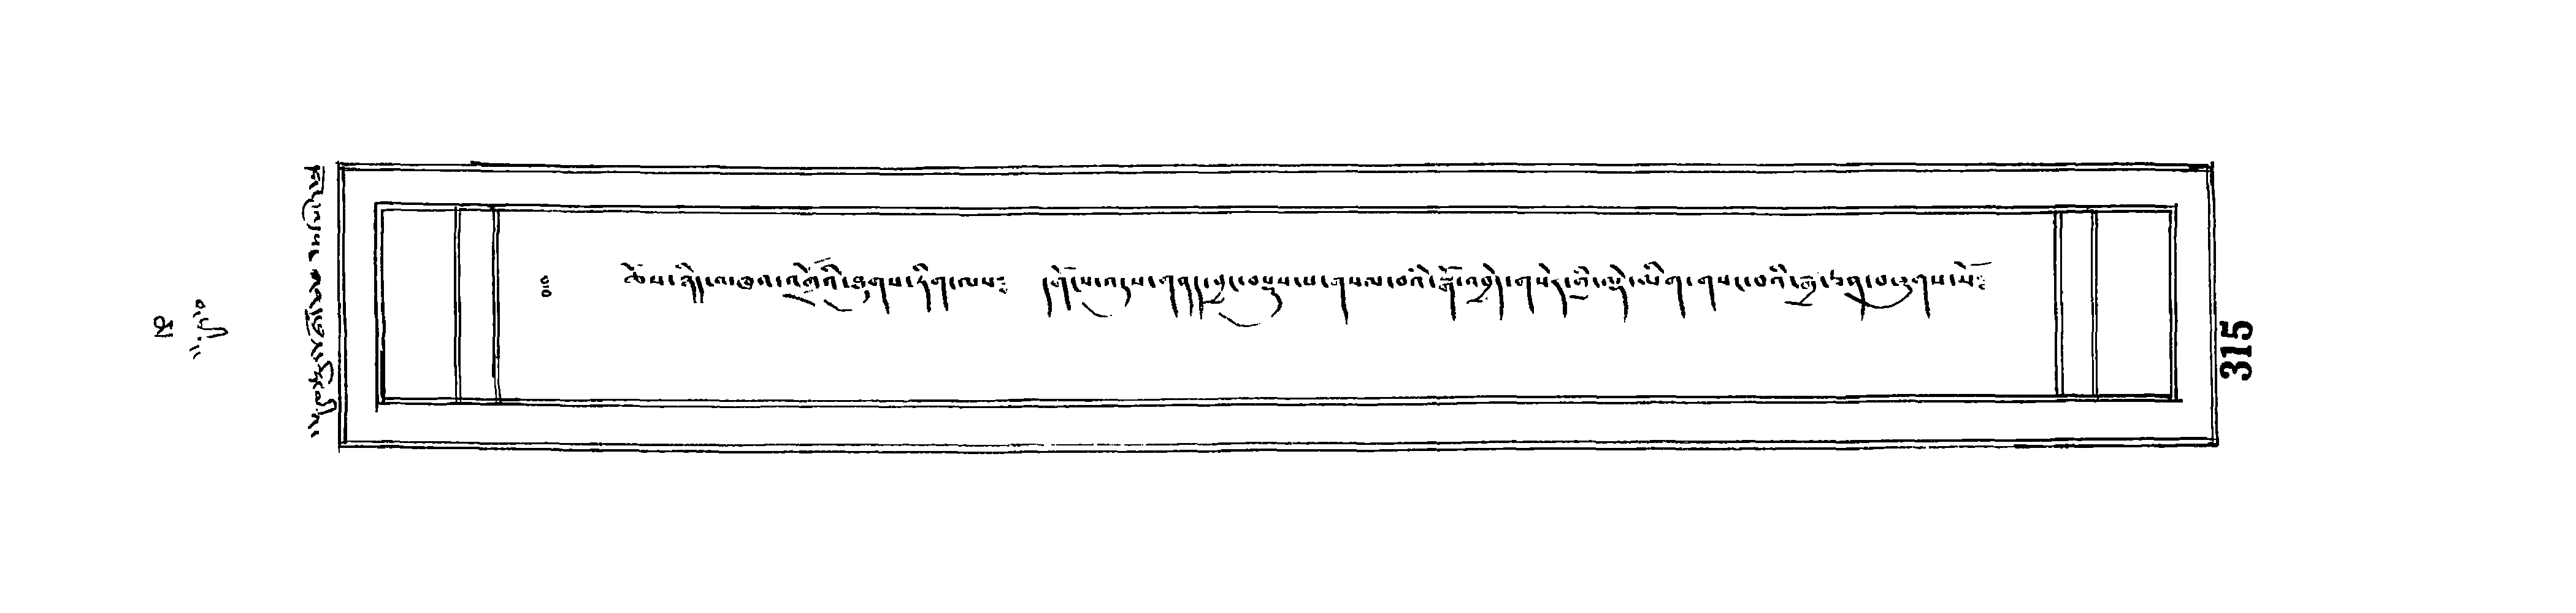ཆོས་ཉིད་མཁའ་འགྲོའི་ཐུགས་ཏིག་ལས༔ དགོངས་འདུས་གནད་བྱང་བསྡུས་པ་གསལ་བའི་སྒོ་བྱེད་གསེར་གྱི་ལྡེ་མིག་གསང་བའི་རྒྱ་ཅན་བཞུགས་སོ༔